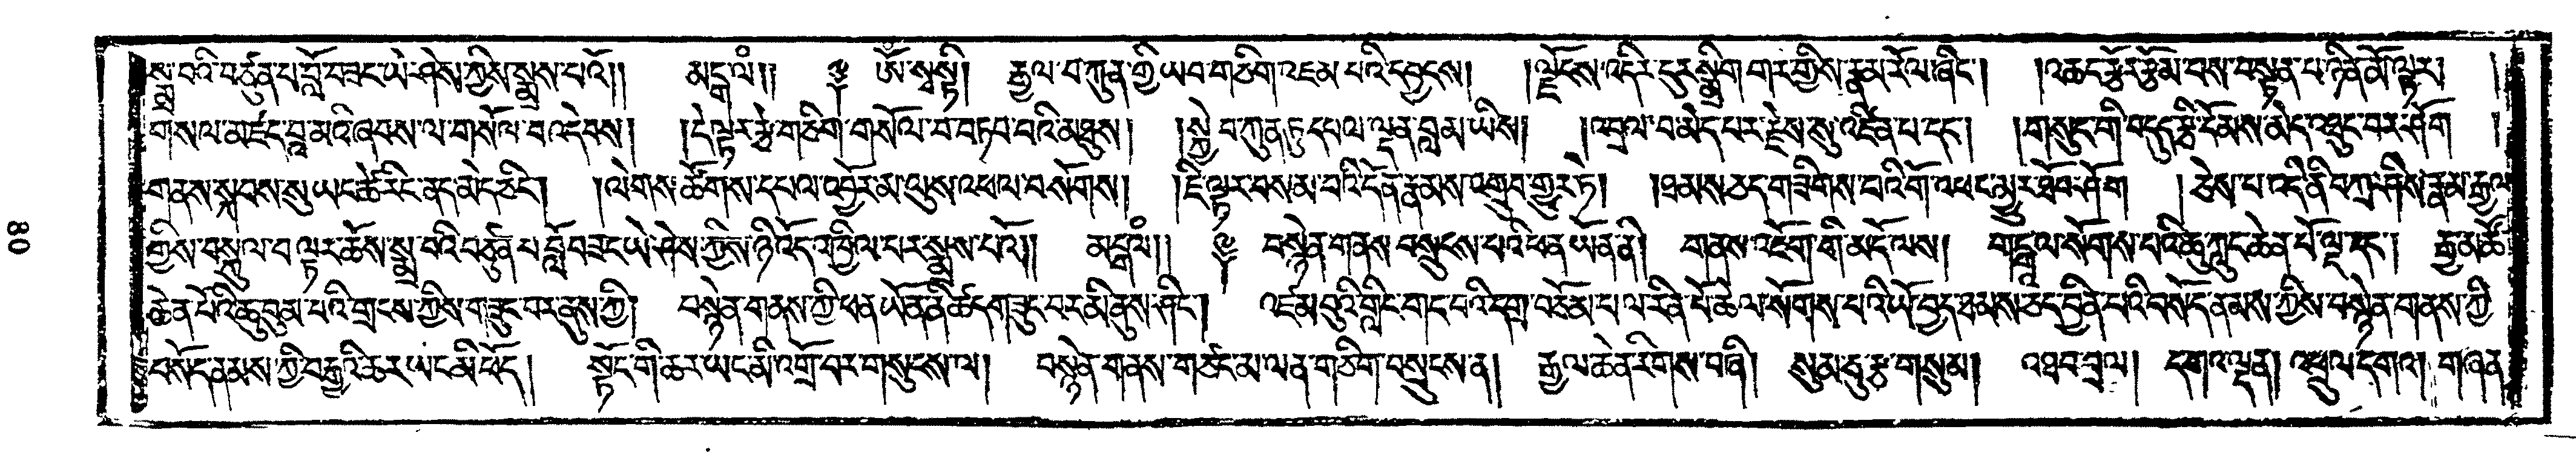སྨྲ་བའི་བཙུན་པ་བློ་བཟང་ཡེ་ཤེས་ཀྱིས་སྨྲས་པའོ།། མངྒ་ལཾ།། ༈ ཨོཾ་སྭསྟི། རྒྱལ་བ་ཀུན་གྱི་ཡབ་གཅིག་འཇམ་པའི་དབྱངས། །ལྗོངས་འདིར་དུར་སྨྲིག་གར་གྱིས་རྣམ་རོལ་ཞིང་། །འཆད་རྩོར་རྩོམ་པས་བསྟན་པ་ཉིན་མོ་ལྟར། །
གསལ་མཛད་བླ་མའི་ཞབས་ལ་གསོལ་བ་འདེབས། །དེ་ལྟར་རྩེ་གཅིག་གསོལ་བ་བཏབ་པའི་མཐུས། །སྐྱེ་བ་ཀུན་ཏུ་དཔལ་ལྡན་བླ་མ་ཡིས། །འབྲལ་བ་མེད་པར་རྗེས་སུ་འཛིན་པ་དང་། །གསུང་གི་བདུད་རྩི་དོམས་མེད་འཐུང་བར་ཤོག །
གནས་སྐབས་སུ་ཡང་ཚེ་རིང་ནད་མེད་ཅིང་། །ལེགས་ཚོགས་དཔལ་འབྱོར་མ་ལུས་འཕལ་བ་སོགས། །ཇི་ལྟར་བསམ་བའི་དོན་རྣམས་འགྲུབ་གྱུར་ཏེ། །ཐམས་ཅད་གཟིགས་པའི་གོ་འཕང་མྱུར་ཐོབ་ཤོག །ཅེས་པ་འདི་ནི་བཀྲ་ཤིས་རྣམ་རྒྱལ་
གྱིས་བསྐུལ་བ་ལྟར་ཆོས་སྨྲ་བའི་བཙུན་པ་བློ་བཟང་ཡེ་ཤེས་ཀྱིས་ཉི་འོད་འཁྱིལ་པར་སྨྲས་པའོ།། མངྒལཾ།། ༈ བསྙེན་གནས་བསྲུངས་པའི་ཕན་ཡོན་ནི། གནས་འཇོག་གི་མདོ་ལས། །གངྒཱ་ལ་སོགས་པའི་ཆུ་ཀླུང་ཆེན་པོ་ལྔ་དང་། རྒྱ་མཚོ་
ཆེན་པོའི་ཆུ་བུམ་པའི་གྲངས་ཀྱིས་གཟུང་བར་ནུས་ཀྱི། བསྙེན་གནས་ཀྱི་ཕན་ཡོན་ནི་ཚད་གཟུང་བར་མི་ནུས་ཤིང་། འཛམ་བུའི་གླིང་གང་བའི་དགྲ་བཅོམ་པ་ལ་རིན་པོ་ཆེ་ལ་སོགས་པའི་ཡོ་བྱད་ཐམས་ཅད་བྱིན་པའི་བསོད་ནམས་ཀྱིས་བསྙེན་གནས་ཀྱི་
བསོད་ནམས་ཀྱི་བརྒྱའི་ཆར་ཡང་མི་ཕོད། །སྟོང་གི་ཆར་ཡང་མི་འགྲོ་བར་གསུངས་ལ། བསྙེན་གནས་གཙང་མ་ལན་གཅིག་བསྲུངས་ན། རྒྱལ་ཆེན་རིགས་བཞི། སུམ་ཅུ་རྩ་གསུམ། འཐབ་བྲལ། དགའ་ལྡན། འཕྲུལ་དགའ། གཞན་